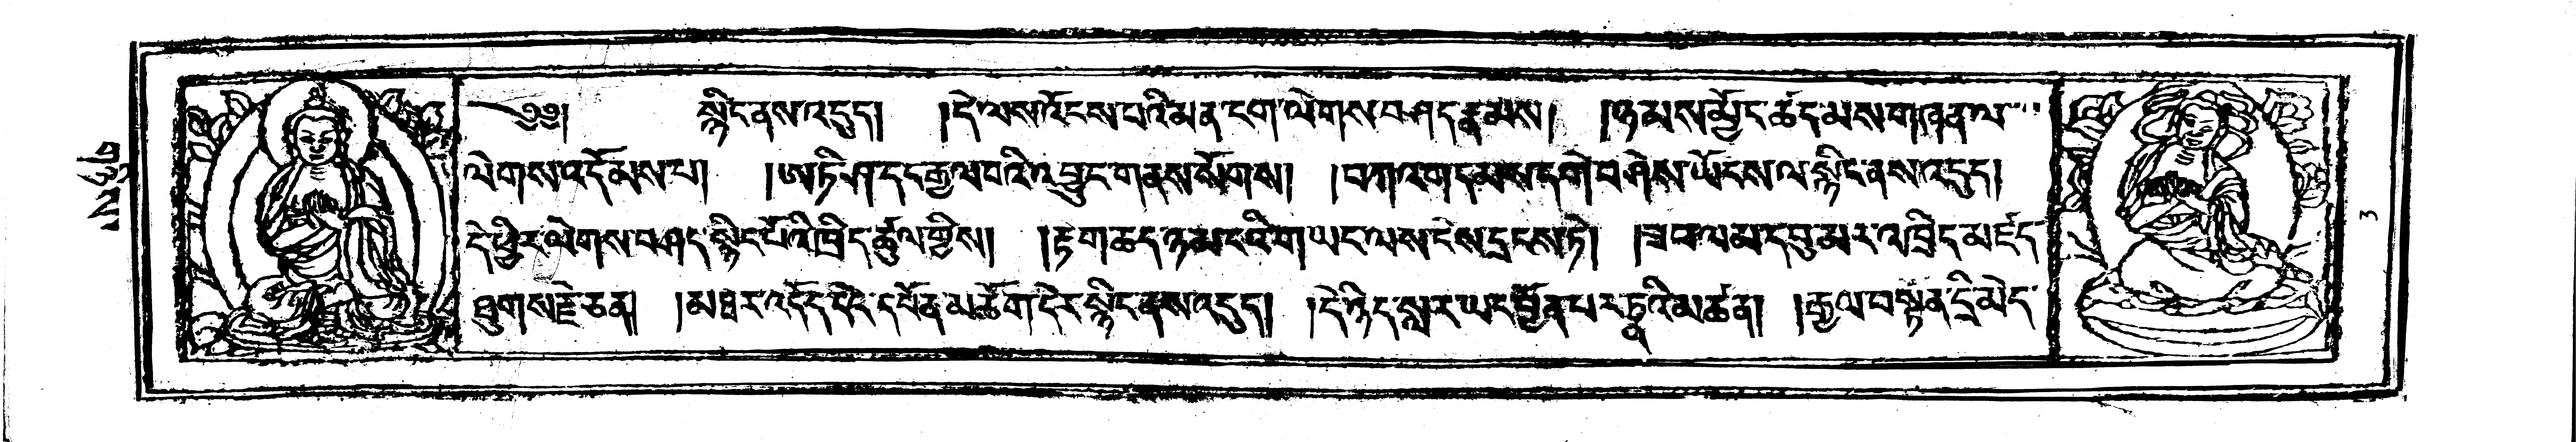༄༅། །སྙིང་ནས་འདུད། །དེ་ལས་འོངས་པའི་མན་ངག་ལེགས་བཤད་རྣམས། །ཉམས་མྱོང་ཚད་མས་གཞན་ལ་
ལེགས་འདོམས་པ། །ཨ་ཏི་ཤ་དང་རྒྱལ་བའི་འབྱུང་གནས་སོགས། །བཀའ་གདམས་དགེ་བཤེས་ཡོངས་ལ་སྙིང་ནས་འདུད།
དེ་ཕྱིར་ལེགས་བཤད་སྙིང་པོའི་ཁྲིད་ཚུལ་གྱིས། །རྟག་ཆད་ཉམ་ངའི་གཡང་ལས་ངེས་དྲངས་ཏེ། །ཟབ་ལམ་དབུ་མར་འཁྲིད་མཛད་
ཐུགས་རྗེ་ཅན། །མཐར་འདོད་དེད་དཔོན་མཆོག་དེར་སྙིང་ནས་འདུད། །དེ་ཉིད་སླར་ཡང་བྱོན་པར་ཏྣཱི་མཚན། །རྒྱལ་བསྟན་དྲི་མེད་